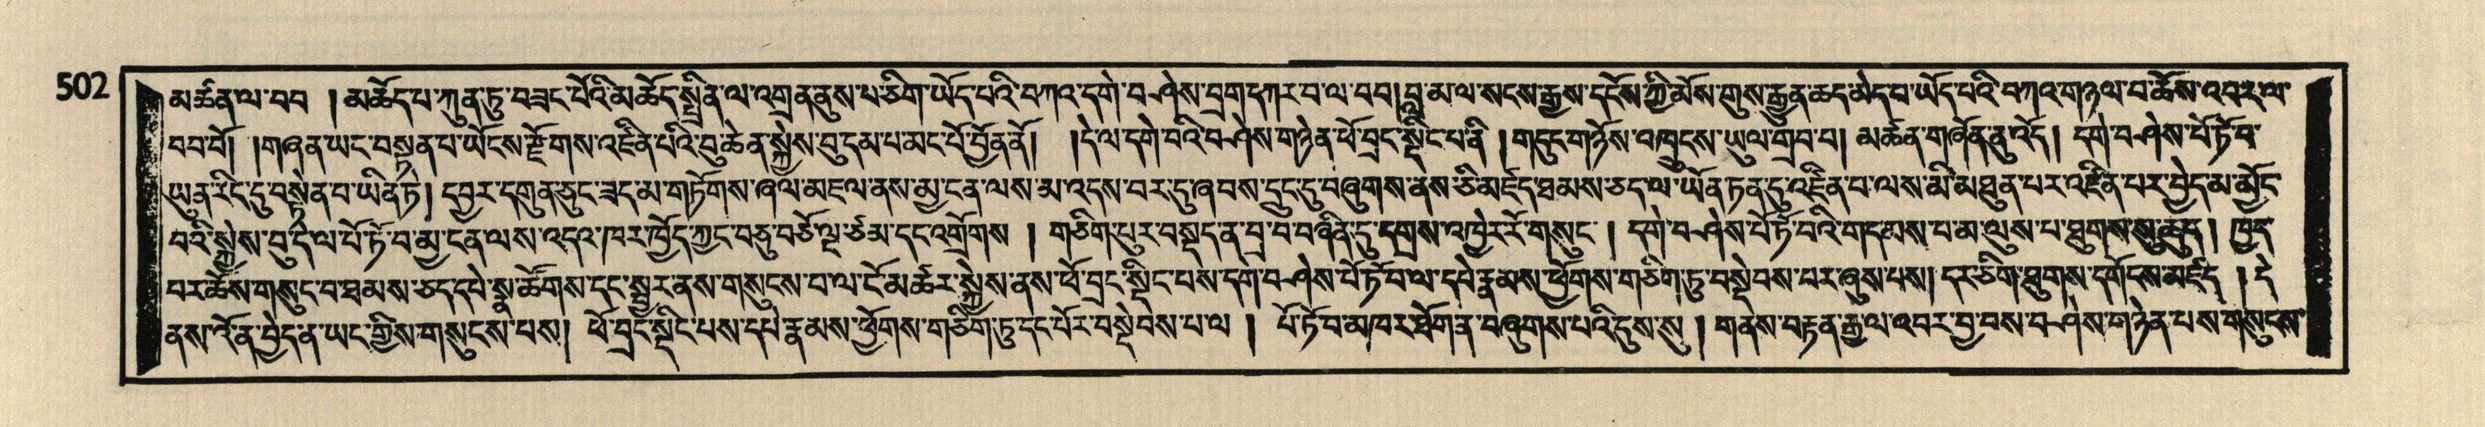མཚན་ལ་བབ་།མཆོད་པ་ཀུན་ཏུ་བཟང་པོའི་མཆོད་སྤྲིན་ལ་འགྲན་ནུས་པ་ཅིག་ཡོད་པའི་བཀའ་དགེ་བཤེས་བྲག་དཀར་བ་ལ་བབ། བླ་མ་ལ་སངས་རྒྱས་དངོས་ཀྱི་མོས་གུས་རྒྱུན་ཆད་མེད་པ་ཡོད་པའི་བཀའ་གཉལ་བ་ཆོས་འབར་ལ་
བབ་བོ། །གཞན་ཡང་བསྟན་པ་ཡོངས་རྫོགས་འཛིན་པའི་བུ་ཆེན་སྐྱེས་བུ་དམ་པ་མང་པོ་བྱོན་ནོ། །དེ་ལ་དགེ་བའི་བཤེས་གཉེན་ཕོ་བྲང་སྡིང་པ་ནི། །གདུང་གཉོས་འཁྲུངས་ཡུལ་གྲབ་པ། མཚན་གཞོན་ནུ་འོད། དགེ་བཤེས་པོ་ཏོ་བ་
ཡུན་རིང་དུ་བསྟེན་པ་ཡིན་ཏེ། དབྱར་དགུན་ཅུང་ཟད་མ་གཏོགས་ཞལ་མཇལ་ནས་མྱ་ངན་ལས་འདས་བར་དུ་ཞབས་དྲུང་དུ་བཞུགས་ནས་ཅི་མཛད་ཐམས་ཅད་ལ་ཡོན་ཏན་དུ་འཛིན་པ་ལས་མི་མཐུན་པར་འཛིན་པར་བྱེད་མ་མྱོང་
བའི་སྐྱེས་བུ་དེ་ལ་པོ་ཏོ་བ་མྱ་ངན་ལས་འདའ་ཁར་ཁྱོད་ཀྱང་བཅུ་བཅོ་ལྔ་ཙམ་དང་འགྲོགས། གཅིག་པུར་བསྡད་ན་བྲ་བ་བཞིན་དུ་དགྲས་འཁྱེར་རོ་གསུང་། དགེ་བཤེས་པོ་ཏོ་བའི་གདམས་པ་མ་ལུས་པ་ཐུགས་སུ་ཆུད། ཁྱད་
བར་ཆོས་གསུང་བ་ཐམས་ཅད་དཔེ་སྣ་ཚོགས་དང་སྦྱར་ནས་གསུངས་པ་ལ་ངོ་མཐར་སྐྱེས་ནས་ཕོ་བྲང་སྡིང་བས་དགེ་བཤེས་པོ་ཏོ་བ་ལ་དཔེ་རྣམས་ཕྱོགས་གཅིག་ཏུ་བསྡེབས་པར་ཞུས་པས། དར་ཅིག་ཐུགས་དགོངས་མཛད་།དེ་
ནས་འོ་ན་བྱེད་ན་ཡང་གྱིས་གསུངས་པས། ཕོ་བྲང་སྡིང་པས་དཔེ་རྣམས་ཕྱོགས་གཅིག་ཏུ་དང་པོར་བསྡེབས་པ་ལ། པོ་ཏོ་བ་མཁར་ཐོག་ན་བཞུགས་པའི་དུས་སུ། གནས་བརྟན་རྒྱལ་འབར་བྱ་བས་བཤེས་གཉེན་པས་གསུངས་